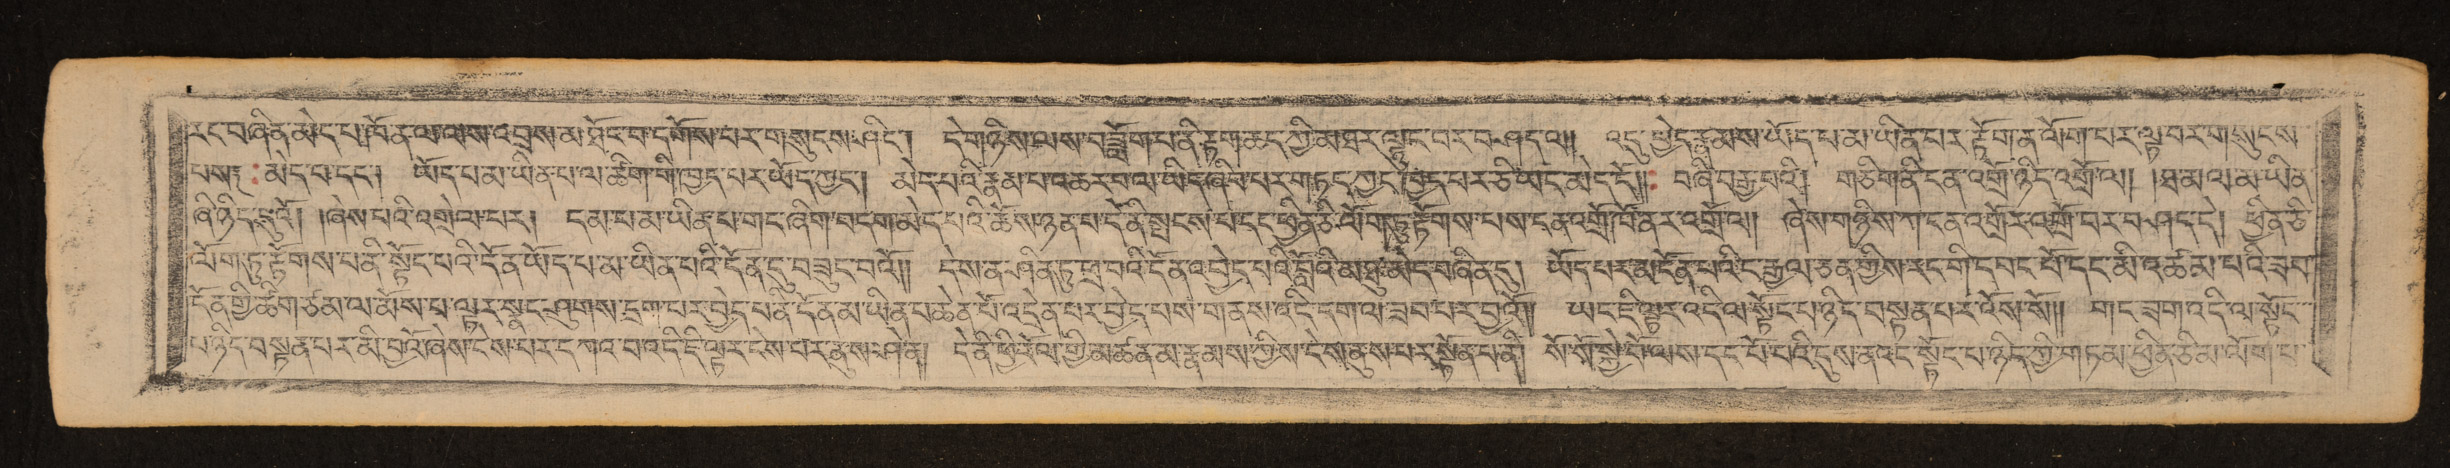རང་བཞིན་མེད་པ་ཁོ་ན་ལ་ལས་འབྲས་མཐོང་བ་དགོས་པར་གསུངས་ཤིང་། དེ་གཉིས་ལས་བཟློག་པ་ནི་རྟག་ཆད་ཀྱི་མཐར་ལྟུང་བར་བཤད་ལ། འདུ་བྱེད་རྣམས་ཡོད་པ་མ་ཡིན་པར་རྟོག་ན་ལོག་པར་ལྟ་བར་གསུངས་
པས། མེད་པ་དང་། ཡོད་པ་མ་ཡིན་པ་ལ་ཚིག་གི་ཁྱད་པར་ཡོད་ཀྱང་། མེད་པའི་རྣམ་པ་འཆར་བ་ལ་ཡིད་ཞིབ་པར་གཏད་ཀྱང་ཁྱད་པར་ཅི་ཡང་མེད་དོ།། བཞི་བརྒྱ་པའི། གཅིག་ནི་ངན་འགྲོ་ཉིད་འགྲོ་ལ། །ཐ་མལ་མ་ཡིན་
ཞི་ཉིད་དུའོ། །ཞེས་པའི་འགྲེལ་པར། དམ་པ་མ་ཡིན་པ་གང་ཞིག་བདག་མེད་པའི་ཆོས་ཉན་པ་དེ་ནི་སྤངས་པ་དང་ཕྱིན་ཅི་ལོག་ཏུ་རྟོགས་པས་ངན་འགྲོ་ཁོ་ནར་འགྲོ་ལ། ཞེས་གཉིས་ཀ་ངན་འགྲོར་འགྲོ་བར་བཤད་དེ། ཕྱིན་ཅི་
ལོག་ཏུ་རྟོགས་པ་ནི་སྟོང་པའི་དོན་ཡོད་པ་མ་ཡིན་པའི་དོན་དུ་བཟུང་བའོ།། དེས་ན་ཤིན་ཏུ་ཕྲ་བའི་དོན་འབྱེད་པའི་བློའི་མཐུ་མེད་བཞིན་དུ། ཡོད་པར་མངོན་པའི་ང་རྒྱལ་ཅན་གྱིས། རང་གི་དབང་པོ་དང་མི་འཚམས་པའི་ཟབ་
དོན་གྱི་ཚིག་ཙམ་ལ་མོས་པ་ལྟར་སྣང་ཤུགས་དྲག་པར་བྱེད་པ་ནི་དོན་མ་ཡིན་པ་ཆེན་པོ་འདྲེན་པར་བྱེད་པས་གནས་འདི་དག་ལ་ཟབ་པར་བྱའོ།། ཡང་ཇི་ལྟར་འདི་ལ་སྟོང་པ་ཉིད་བསྟན་པར་འོས་སོ།། གང་ཟག་འདི་ལ་སྟོང་
པ་ཉིད་བསྟན་པར་མི་བྱའོ་ཞེས་ངེས་པར་དཀའ་བ་འདི་ཇི་ལྟར་ངེས་པར་ནུས་ཤེ་ན། དེ་ནི་ཕྱི་རོལ་གྱི་མཚན་མ་རྣམས་ཀྱིས་ངེས་ནུས་པར་སྟོན་པ་ནི། སོ་སོ་སྐྱེ་བོ་ལས་དང་པོ་པའི་དུས་ནའང་སྟོང་པ་ཉིད་ཀྱི་གཏམ་ཕྱིན་ཅི་མ་ལོག་པ་